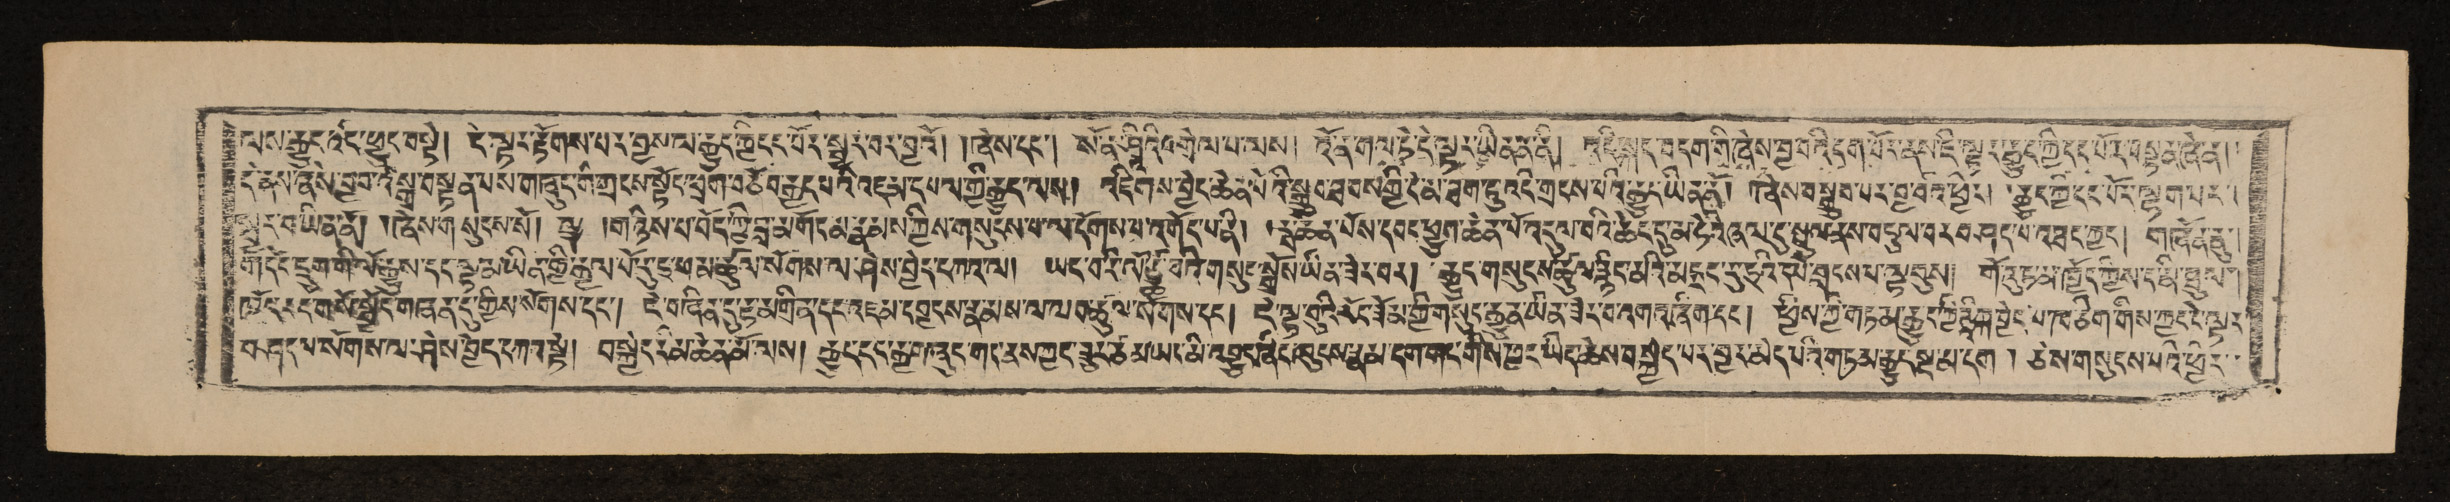ལས་རྒྱུད་འདི་ཕྱུང་བ་སྟེ། དེ་ལྟར་རྟོགས་པར་བྱས་ལ་རྒྱུད་ཀྱི་དང་པོར་སྦྱར་བར་བྱའོ། །ཞེས་དང་། སོན་ཤཱིའི་འགྲེལ་བ་ལས། འོན་གལ་ཏེ་དེ་ལྟར་ཡིན་ན་ནི། འདི་སྐད་བདག་གི་ཞེས་བྱ་བའི་ངག་པོར་ནས་ཇི་ལྟར་རྒྱུད་ཀྱི་དང་པོར་བསྟན་ཞེན།
དེ་ནས་ཞེས་བྱ་བའི་སྒྲ་བསྟན་པས་གཞུང་གི་གྲངས་སྟོང་ཕྲག་བཅོ་བརྒྱད་པའི་འཇམ་དཔལ་གྱི་རྒྱུད་ལས། འཇིགས་བྱེད་ཆེན་པོའི་སྒྲུབ་ཐབས་ཀྱི་དེ་མ་ཐག་ཏུ་འདི་གྲངས་པའི་རྒྱུད་ཡིན་ནོ། །ཞེས་བསྒྲུབ་པར་བྱ་བའི་ཕྱིར། རྒྱུད་ཀྱི་དང་པོར་ལྷག་པར་
སྦྱར་བ་ཡིན་ནོ། །ཞེས་གསུངས་སོ། ༈ །གཉིས་པ་བོད་ཀྱི་བླ་མ་གོང་མ་རྣམས་ཀྱིས་གསུངས་པ་ལ་དོགས་པ་འགོད་པ་ནི། རྭ་ཆེན་པོས་དབང་ཕྱུག་ཆེན་པོ་འདུལ་བའི་ཆེད་དུ་མ་ཧེའི་ཞལ་དུ་སྤྲུལ་ནས་བཏུལ་བར་བཤད་པ་འཐད་ཀྱང་། གཞོན་ནུ་
གདོང་དྲུག་གི་ལོ་རྒྱུས་དང་ལྷ་མ་ཡིན་གྱི་རྒྱལ་པོ་རུ་ཏྲ་ཕ་མ་ཚུལ་སོགས་ལ་ཤེས་བྱེད་དཀའ་ལ། ཡང་བ་རི་ལོཙྪ་བའི་གསུང་སྒྲོས་ཡིན་ཟེར་བར། རྒྱུད་གསུངས་ཚུལ་རྙིང་མའི་མེ་ཏྲ་ད་རུ་ཏྲའི་དཔེ་བླངས་པ་ལྟ་བུས། གོའུ་ད་མ་ཁྱོད་ཀྱིས་ང་མི་ཐུལ་
ཁྱོད་རང་གསོ་སྦྱོང་གཞན་དུ་གྱིས་སོགས་དང་། དེ་བཞིན་དུ་རྟ་མགྲིན་དང་འཇམ་དབྱངས་རྣམས་ལ་ལ་བ་ཚུལ་སོགས་དང་། དེ་ལྟ་བུའི་རོང་ཟོམ་གྱི་གསུང་རྒྱུན་ཡིན་ཟེར་བ་འགའ་ཞིག་དང་། ཕྱིས་ཀྱི་གཏམ་རྒྱུད་ཀྱི་ཊཱིཀྐ་བྱེད་པ་ཁ་ཅིག་གིས་ཀྱང་དེ་ལྟར་
བཤད་པ་སོགས་ལ་ཤེས་བྱེད་དཀའ་སྟེ། བསྐྱེད་རིམ་ཆེན་མོ་ལས། རྒྱུད་དང་རྒྱ་གཞུང་གང་ནས་ཀྱང་ཟུར་ཙམ་ཡང་མི་འབྱུང་ཞིང་ཁུངས་རྣམ་དག་གང་གིས་ཀྱང་ཡིད་ཆེས་བསྐྱེད་བར་བྱར་མེད་པའི་གཏམ་རྒྱུད་སྡམ་དག་ཅེས་གསུངས་པའི་ཕྱིར་